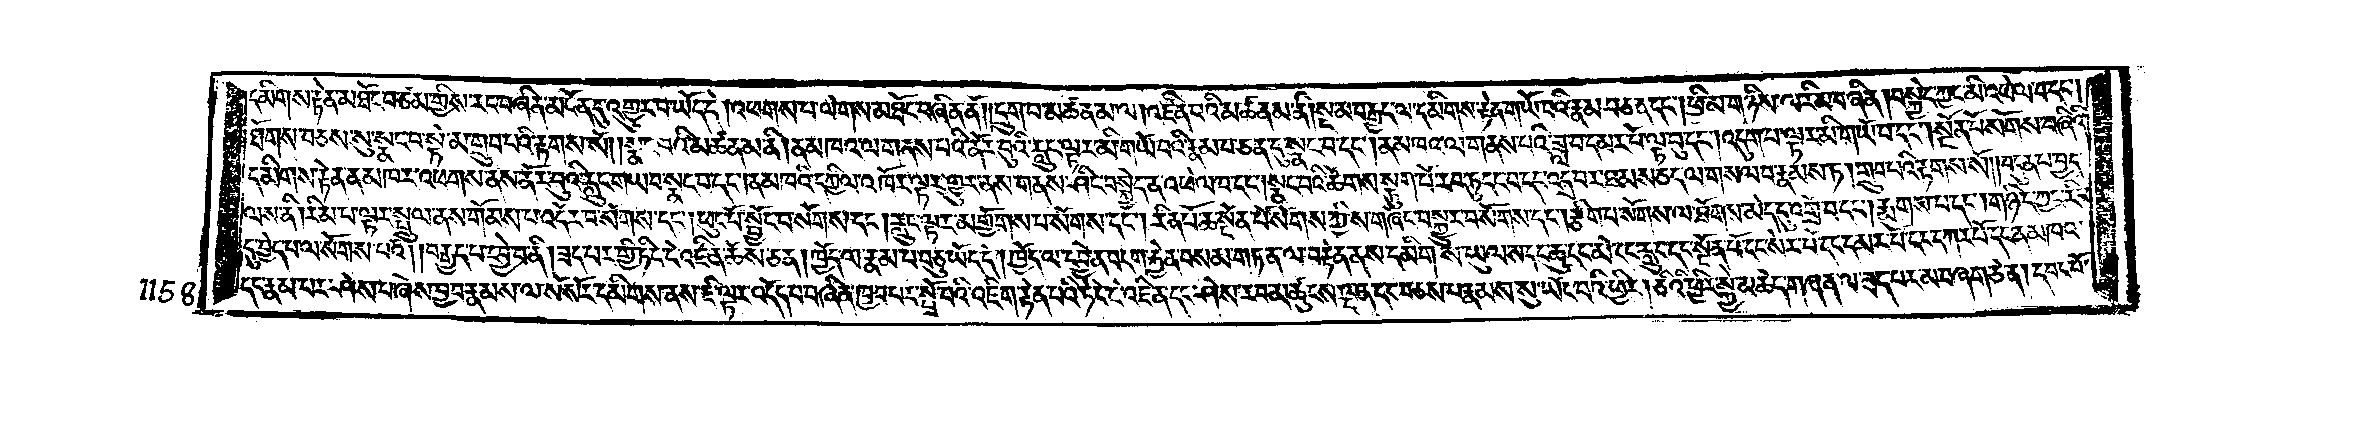དམིགས་རྟེན་མཐོང་བ་ཙམ་གྱིས་རང་བཞིན་མངོན་དུ་འགྱུར་པ་ཡོད་དེ། འཕགས་པ་ལེགས་མཐོང་བཞིན་ནོ། །དྲུག་པ་མཚན་མ་ལ། འཛིན་པའི་མཚན་མ་ནི། སྔ་མ་བརྒྱད་ལ་དམིགས་རྟེན་གཡོ་བའི་རྣམ་བཅན་དང་། ཕྱི་མ་གཉིས་ལ་རིམ་བཞིན། བསྐྱེད་ཀྱང་མི་འཕེལ་བ་དང་།
ཐོགས་བཅས་སུ་སྣང་བ་སྟེ་མ་གྲུབ་པའི་རྟགས་སོ། །སྣང་བའི་མཚན་མ་ནི། ནམ་མཁའ་ལ་གནས་པའི་ནོར་བུའི་རླུང་ལྟར་མི་གཡོ་བའི་རྣམ་པ་ཅན་དུ་སྣང་བ་དང་། ནམ་མཁའ་ལ་གནས་པའི་ཟླ་བ་དམར་པོ་ལྟ་བུ་དང་། འདུག་པ་ལྟར་མི་གཡོ་བ་དང་། སྔོན་པོ་སོགས་བཞིའི་
དམིགས་རྟེན་ནམ་མཁར་འཕགས་ནས་ནོར་བུའི་རླུང་གཡབ་སྣང་བ་དང་། ནམ་མཁའི་དཀྱིལ་འཁོར་ལྟར་གྱུར་ནས་གནས་ཤིང་བསྐྱེད་ན་འཕེལ་བ་དང་། སྣང་བའི་ཚོགས་སྟུག་པོ་རབ་ཏུ་དང་བ་དང་འདྲ་བར་ཐམས་ཅད་ལ་གསལ་བ་རྣམས་ཏེ། གྲུབ་པའི་རྟགས་སོ། །བདུན་པ་བྱེད་
ལས་ནི། རིམ་པ་ལྟར་སྤྲུལ་ནས་གོམས་པ་འདོར་བ་སོགས་དང་། ཕུང་པོ་སྦྱོང་བ་སོགས་དང་། རླུང་ལྟར་མགྱོགས་པ་སོགས་དང་། རིན་པོ་ཆེ་སྔོན་པོ་སོགས་ཀྱི་ས་གཞིང་བསྐྱུར་བ་སོགས་དང་། རྩིག་པ་སོགས་ལ་ཐོགས་མེད་དུ་འགྲོ་བ་དང་། རྨུགས་པ་དང་། གཉིད་ཀྱང་རིང་
དུ་བྱེད་པ་ལ་སོགས་པའི། །བརྒྱད་པ་དབྱེ་བ་ནི། ཟད་པར་གྱི་ཏིང་ངེ་འཛིན་ཆོས་ཅན། ཁྱོད་ལ་རྣམ་པ་བཅུ་ཡོད་དེ། ཁྱོད་ལ་དབྱེ་ན་བདག་རྐྱེན་བསམ་གཏན་ལ་བརྟེན་ནས་དམིགས་ཡུལ་ས་དང་ཆུ་དང་མེ་དང་རླུང་དང་སྔོན་པོ་དང་སེར་པོ་དང་དམར་པོ་དང་དཀར་པོ་དང་ནམ་མཁའ་
དང་རྣམ་པར་ཤེས་པ་ཞེས་བྱ་བ་རྣམས་ལ་སོ་སོར་དམིགས་ནས་ཇི་ལྟར་འདོད་བ་བཞིན་ཁྱབ་པར་སྤྲོ་བའི་འཇིག་རྟེན་པའི་ཏིང་ངེ་འཛིན་དང་ཤེས་རབ་མཚུངས་ལྡན་དང་བཅས་པ་རྣམས་སུ་ཡོང་བའི་ཕྱིར། ཅིའི་ཕྱིར་སྐྱེ་མཆེད་གཞན་ལ་ཟད་པར་མ་བཞག་ཅེ་ན། དབང་པོ་